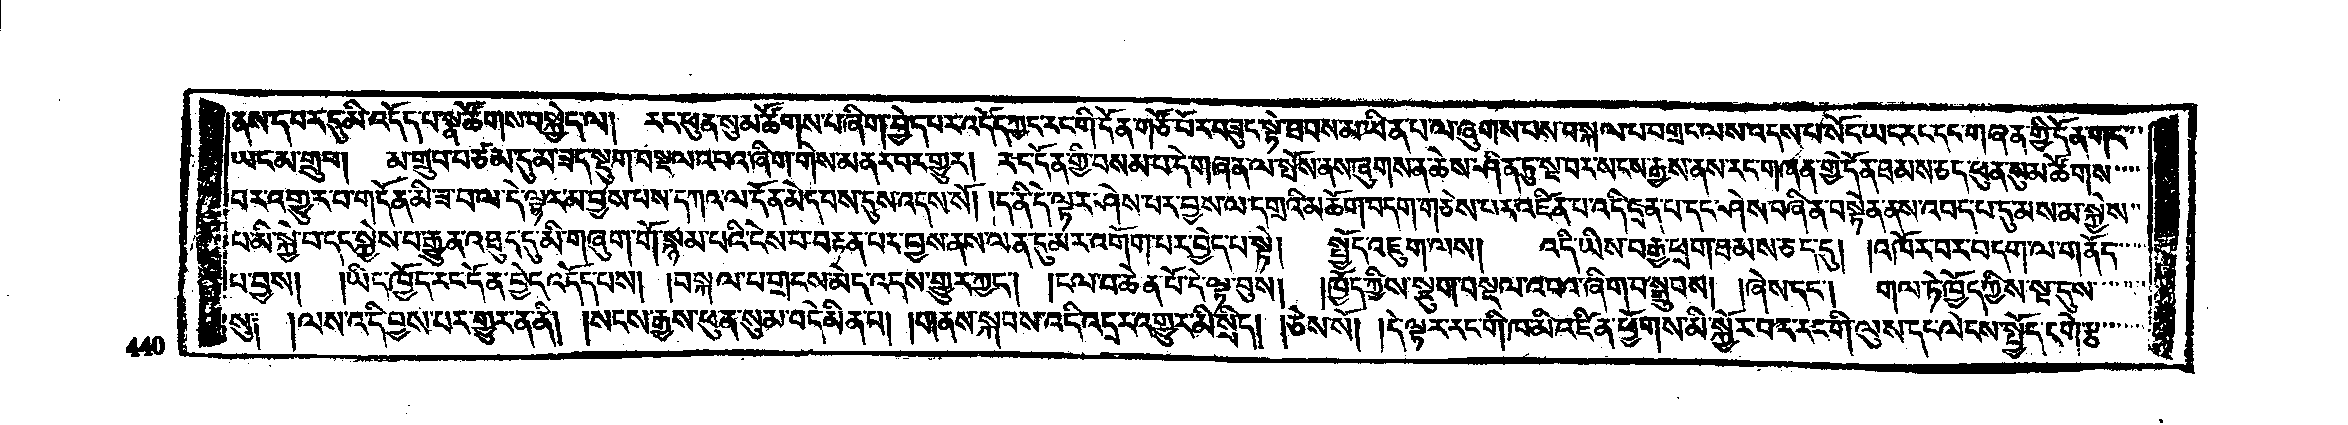ནས་ད་བར་དུ་མི་འདོད་པ་སྣ་ཚོགས་བསྐྱེད་ལ། རང་ཕུན་སུམ་ཚོགས་པ་ཞིག་བྱེད་པར་འདོད་ཀྱང་རང་གི་དོན་གཙོ་བོར་བཟུང་སྟེ་ཐབས་མ་ཡིན་པ་ལ་ཞུགས་པས་བསྐལ་པ་བགྲང་ལས་འདས་པ་སོང་ཡང་རང་དང་གཞན་གྱི་དོན་གང་
ཡང་མ་གྲུབ། མ་གྲུབ་པ་ཙམ་དུ་མ་ཟད་སྡུག་བསྔལ་འབའ་ཞིག་གིས་མནར་བར་གྱུར། རང་དོན་གྱི་བསམ་པ་དེ་གཞན་ལ་སྤོས་ནས་ཞུགས་ན་ཆེས་ཤིན་ཏུ་སྔ་བར་སངས་རྒྱས་ནས་རང་གཞན་གྱི་དོན་ཐམས་ཅད་ཕུན་སུམ་ཚོགས་
པར་འགྱུར་བ་གདོན་མི་ཟ་བ་ལ་དེ་ལྟར་མ་བྱས་པས་དཀའ་ལ་དོན་མེད་པས་དུས་འདས་སོ། །ད་ནི་དེ་ལྟར་ཤེས་པར་བྱས་ལ་དགྲའི་མཆོག་བདག་གཅེས་པར་འཛིན་པ་འདི་དྲན་པ་དང་ཤེས་བཞིན་བསྟེན་ནས་འབད་པ་དུ་མས་མ་སྐྱེས་
པ་མི་སྐྱེ་བ་དང་སྐྱེས་པ་རྒྱུན་འཐུད་དུ་མི་གཞུག་གོ་སྙམ་པའི་ངེས་པ་བརྟན་པར་བྱས་ནས་ལན་དུ་མར་འགོག་པར་བྱེད་པ་སྟེ། སྤྱོད་འཇུག་ལས། འདི་ཡིས་བརྒྱ་ཕྲག་ཐམས་ཅད་དུ། །འཁོར་བར་བདག་ལ་གནོད་
པ་བྱས། །ཡིད་ཁྱོད་རང་དོན་བྱེད་འདོད་པས། །བསྐལ་པ་གྲངས་མེད་འདས་གྱུར་ཀྱང་། །ངལ་བ་ཆེན་པོ་དེ་ལྟ་བུས། །ཁྱོད་ཀྱིས་སྡུག་བསྔལ་འབའ་ཞིག་བསྒྲུབས། །ཞེས་དང་། གལ་ཏེ་ཁྱོད་ཀྱིས་སྔ་དུས་
སུ༑ ༑ལས་འདི་བྱས་པར་གྱུར་ན་ནི། །སངས་རྒྱས་ཕུན་སུམ་བདེ་མིན་པ། །གནས་སྐབས་འདི་འདྲར་འགྱུར་མི་སྲིད། །ཅེས་སོ། །དེ་ལྟར་རང་གི་ཁ་མི་འཛིན་ཕྱོགས་མི་སྐྱོར་བར་རང་གི་ལུས་དང་ལོངས་སྤྱོད་དགེ་རྩ་